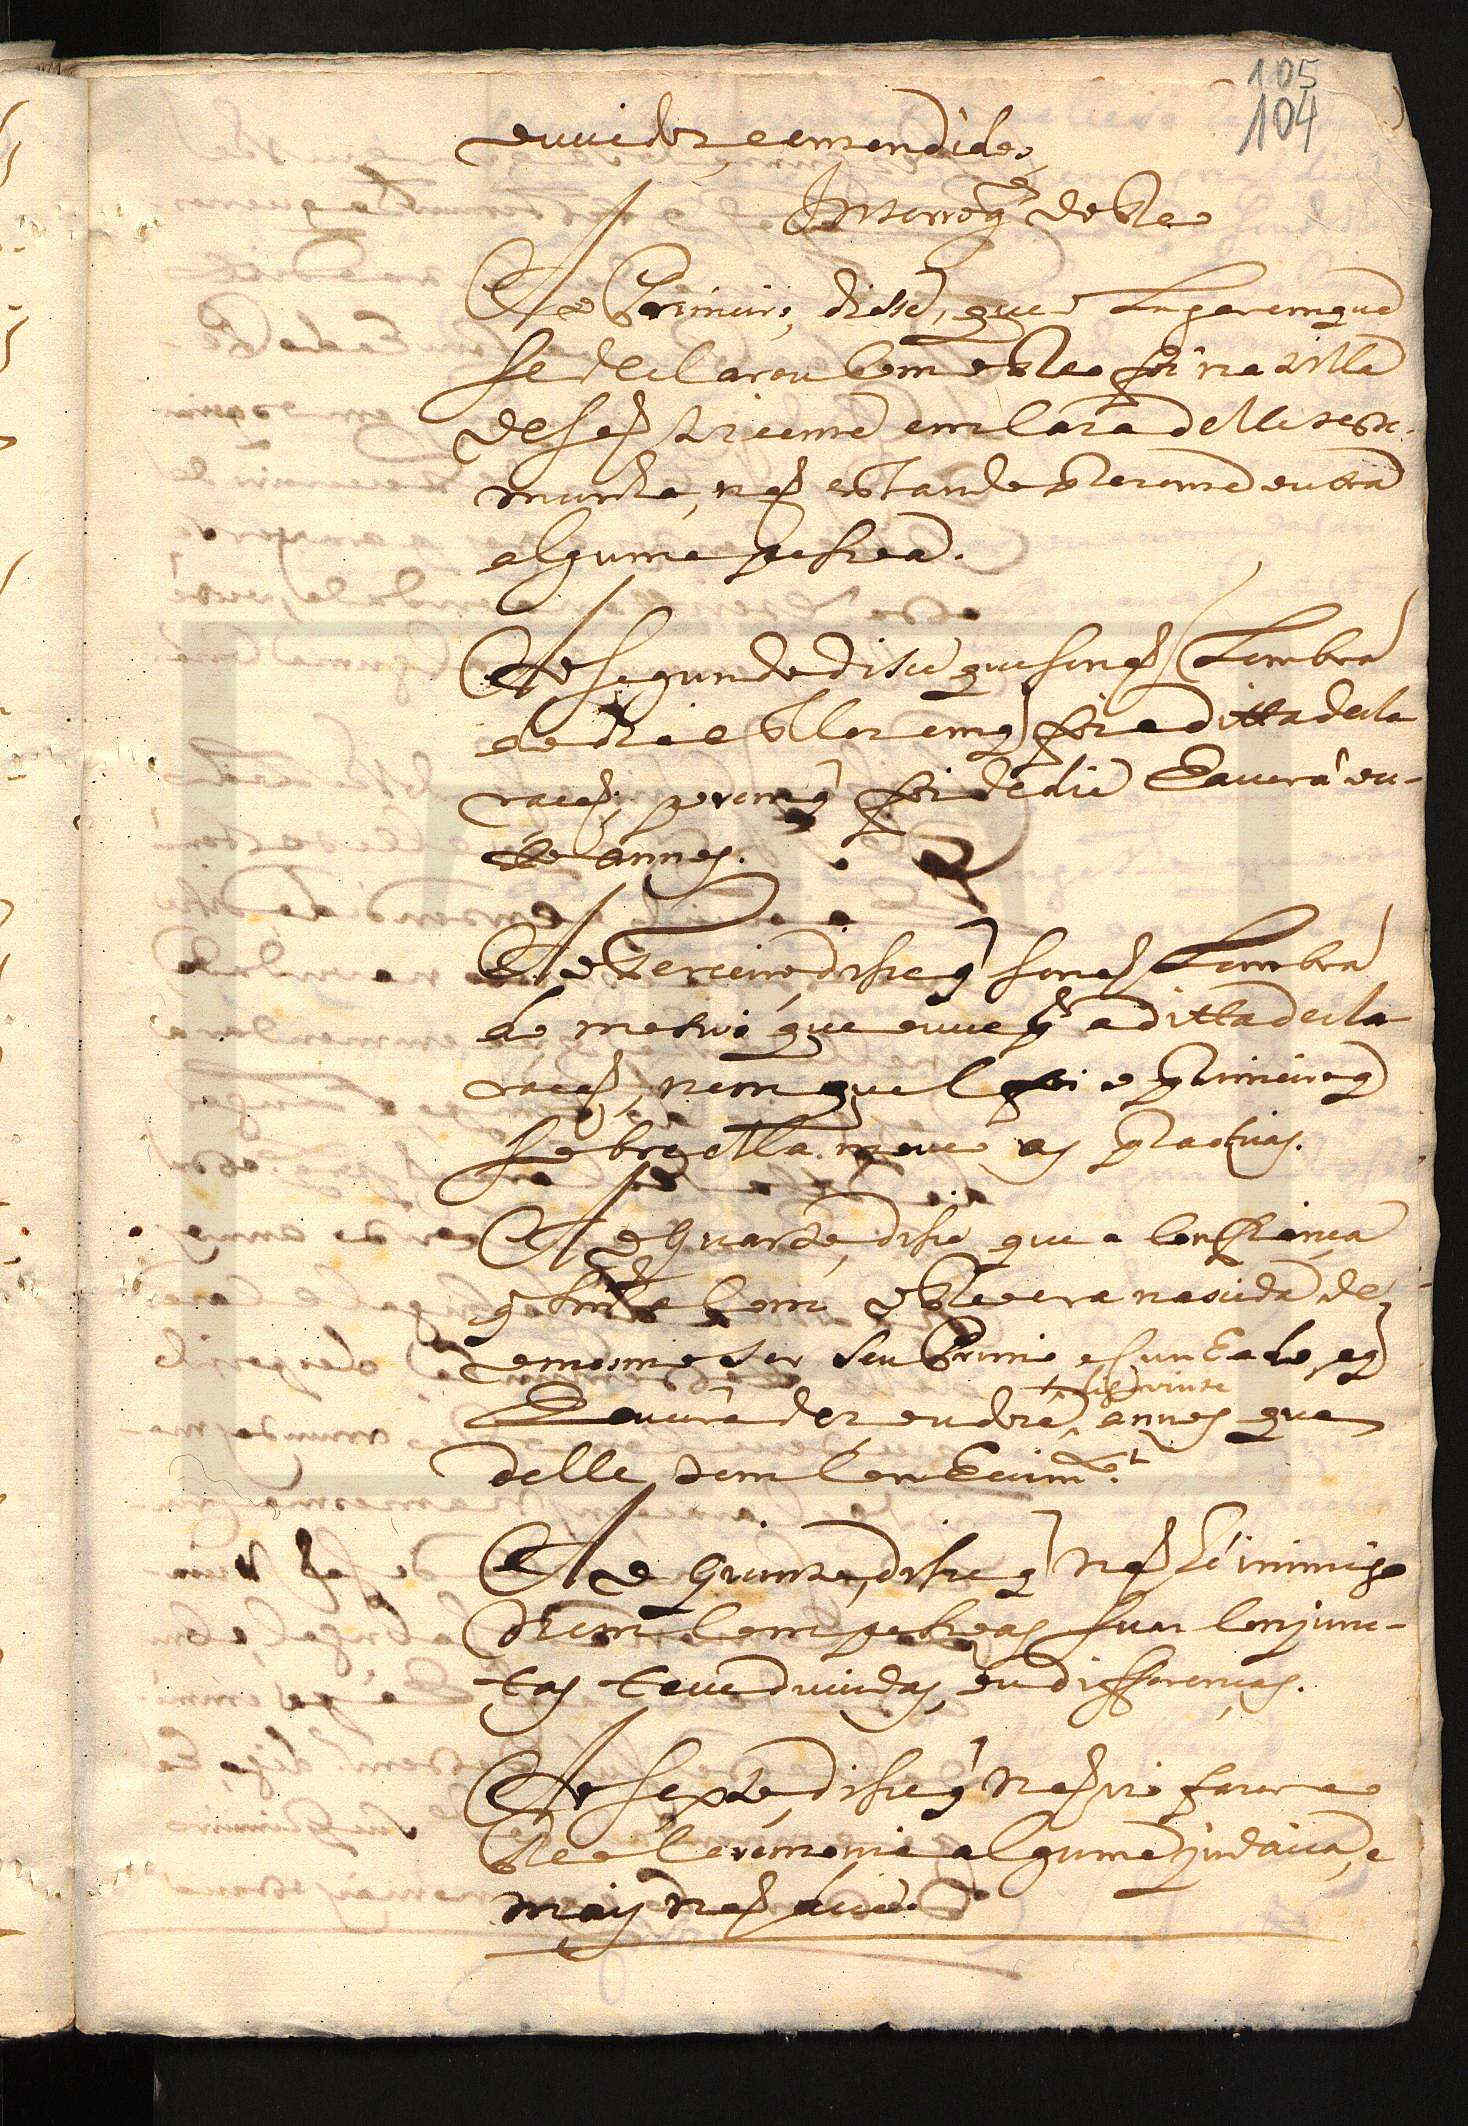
ouuidos e entendidos
Interrog.os do Reo
Ao Primeiro, disse, que o Lugar em que
se declarou Como Reo foi na villa
de saõ vicente em Caza delle teste
munha, naõ estando prezente outra
alguma pessoa.
Ao segundo disse que se naõ Lembra
do dia e Mez em q̄ fez a ditta decla
raçaõ; porem q̄ foi de dia haverá ou
to annos.
Ao Terceiro, disse q̄ se naõ Lembra
do motivo que ouue p̄ a ditta decla
raçaõ, nem qual foi o primeiro q̄
sobre ella moueo as practicas.
Ao quarto, disse que a Confiança
q̄ tinha Com o Reo era nascida de
o mesmo ser seu Primo, e Cunhado, e q̄
+, digo vinte
E hauera dez ou dozê annos que
delle tem Conhecim.to
Ao quinto, disse q̄ naõ hé inimigo
nem Com pessoas suas Conjuc
tas teue duuidas, ou differenças.
Ao sexto, disse q̄ naõ via fazer ao
Reo Ceremonia alguma judaica, e
mais naõ dice.
